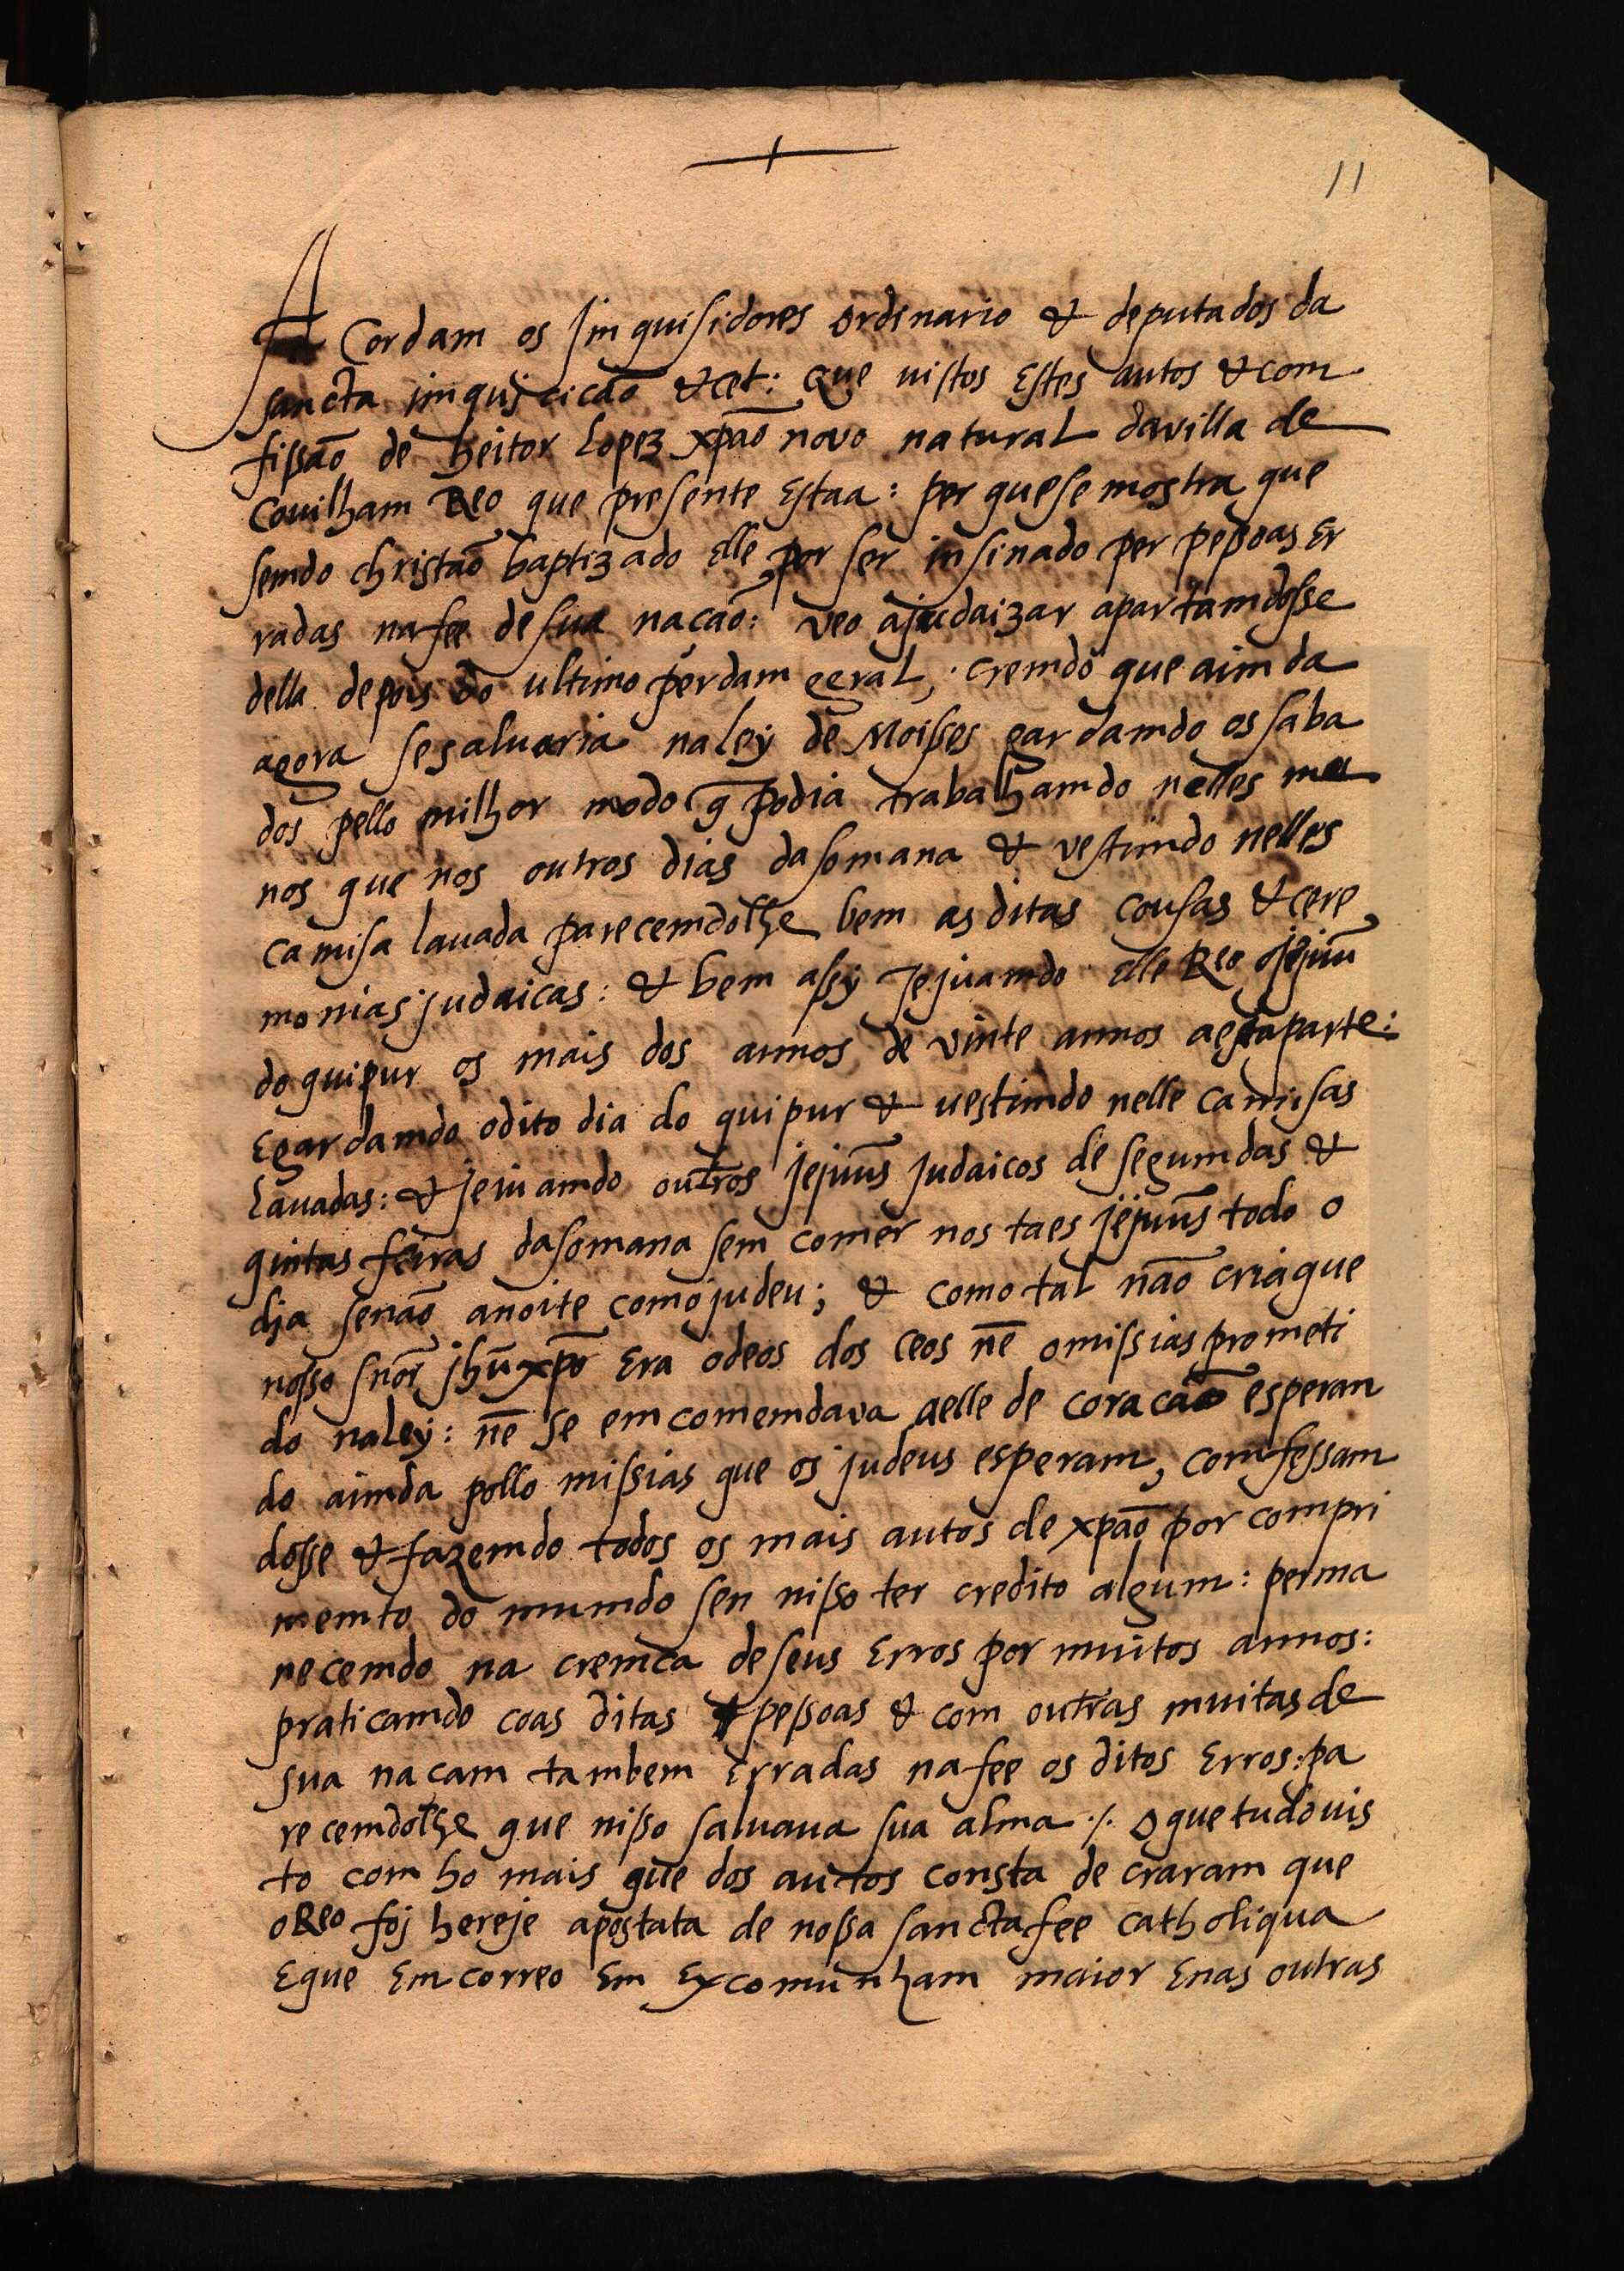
Acordam os Jmquisidores ordinario & deputados da
sancta imquiciçaõ &cet: Que uistos Estes autos & com
fissão de heitor Lopez xpão novo naturaL da villa de
Couilham Reo que presente Estaa: per que se mostra que
semdo christaõ baptizado Elle por ser insinado per pessoas Er
radas na fee de sua naçaõ: veo a judaizar apartamdosse
della depois do ultimo perdam geral; cremdo que aimda
agora se saluaria na ley de Moisses gardamdo os saba
dos pello milhor modo q̄ podia trabalhamdo nelles me
nos que nos outros dias da somana & vestimdo nelles
camisa lauada parecemdolhe bem as ditas cousas & cere
monias judaicas: & bem assy Jejuamdo Elle Reo o jejuū
do quipur os mais dos annos de vinte annos a esta parte:
E gardamdo o dito dia do quipur & uestimdo nelle camisas
lauadas: & jeiuamdo outros jejuūs judaicos de segumdas &
qintas feiras da somana sem comer nos taes jejuūs todo o
dia senaõ a noite como judeu; & como tal não cria que
nosso snōr jhū xp̄o Era o deos dos ceos nē o missias prometi
do na Ley: nē se emcomemdava a elle de coracaõ esperan
do aimda pollo missias que os judeus esperam, comfessam
dosse & fazemdo todos os mais autos de xpaõ por compri
memto do mumdo sen nisso ter credito algum: perma
necemdo na cremca de seus Erros por muitos annos:
praticamdo co as ditas _ pessoas & com outras muitas de
sua naçam tambem Erradas na fee os ditos Erros pa
recemdolhe que nisso saluaua sua alma ./. O que tudo uis
to com ho mais que dos autos consta decraram que
o Reo foj hereje apostata de nossa sancta fee catholiqua
E que Emcorreo Em Excomunham maior E nas outras
